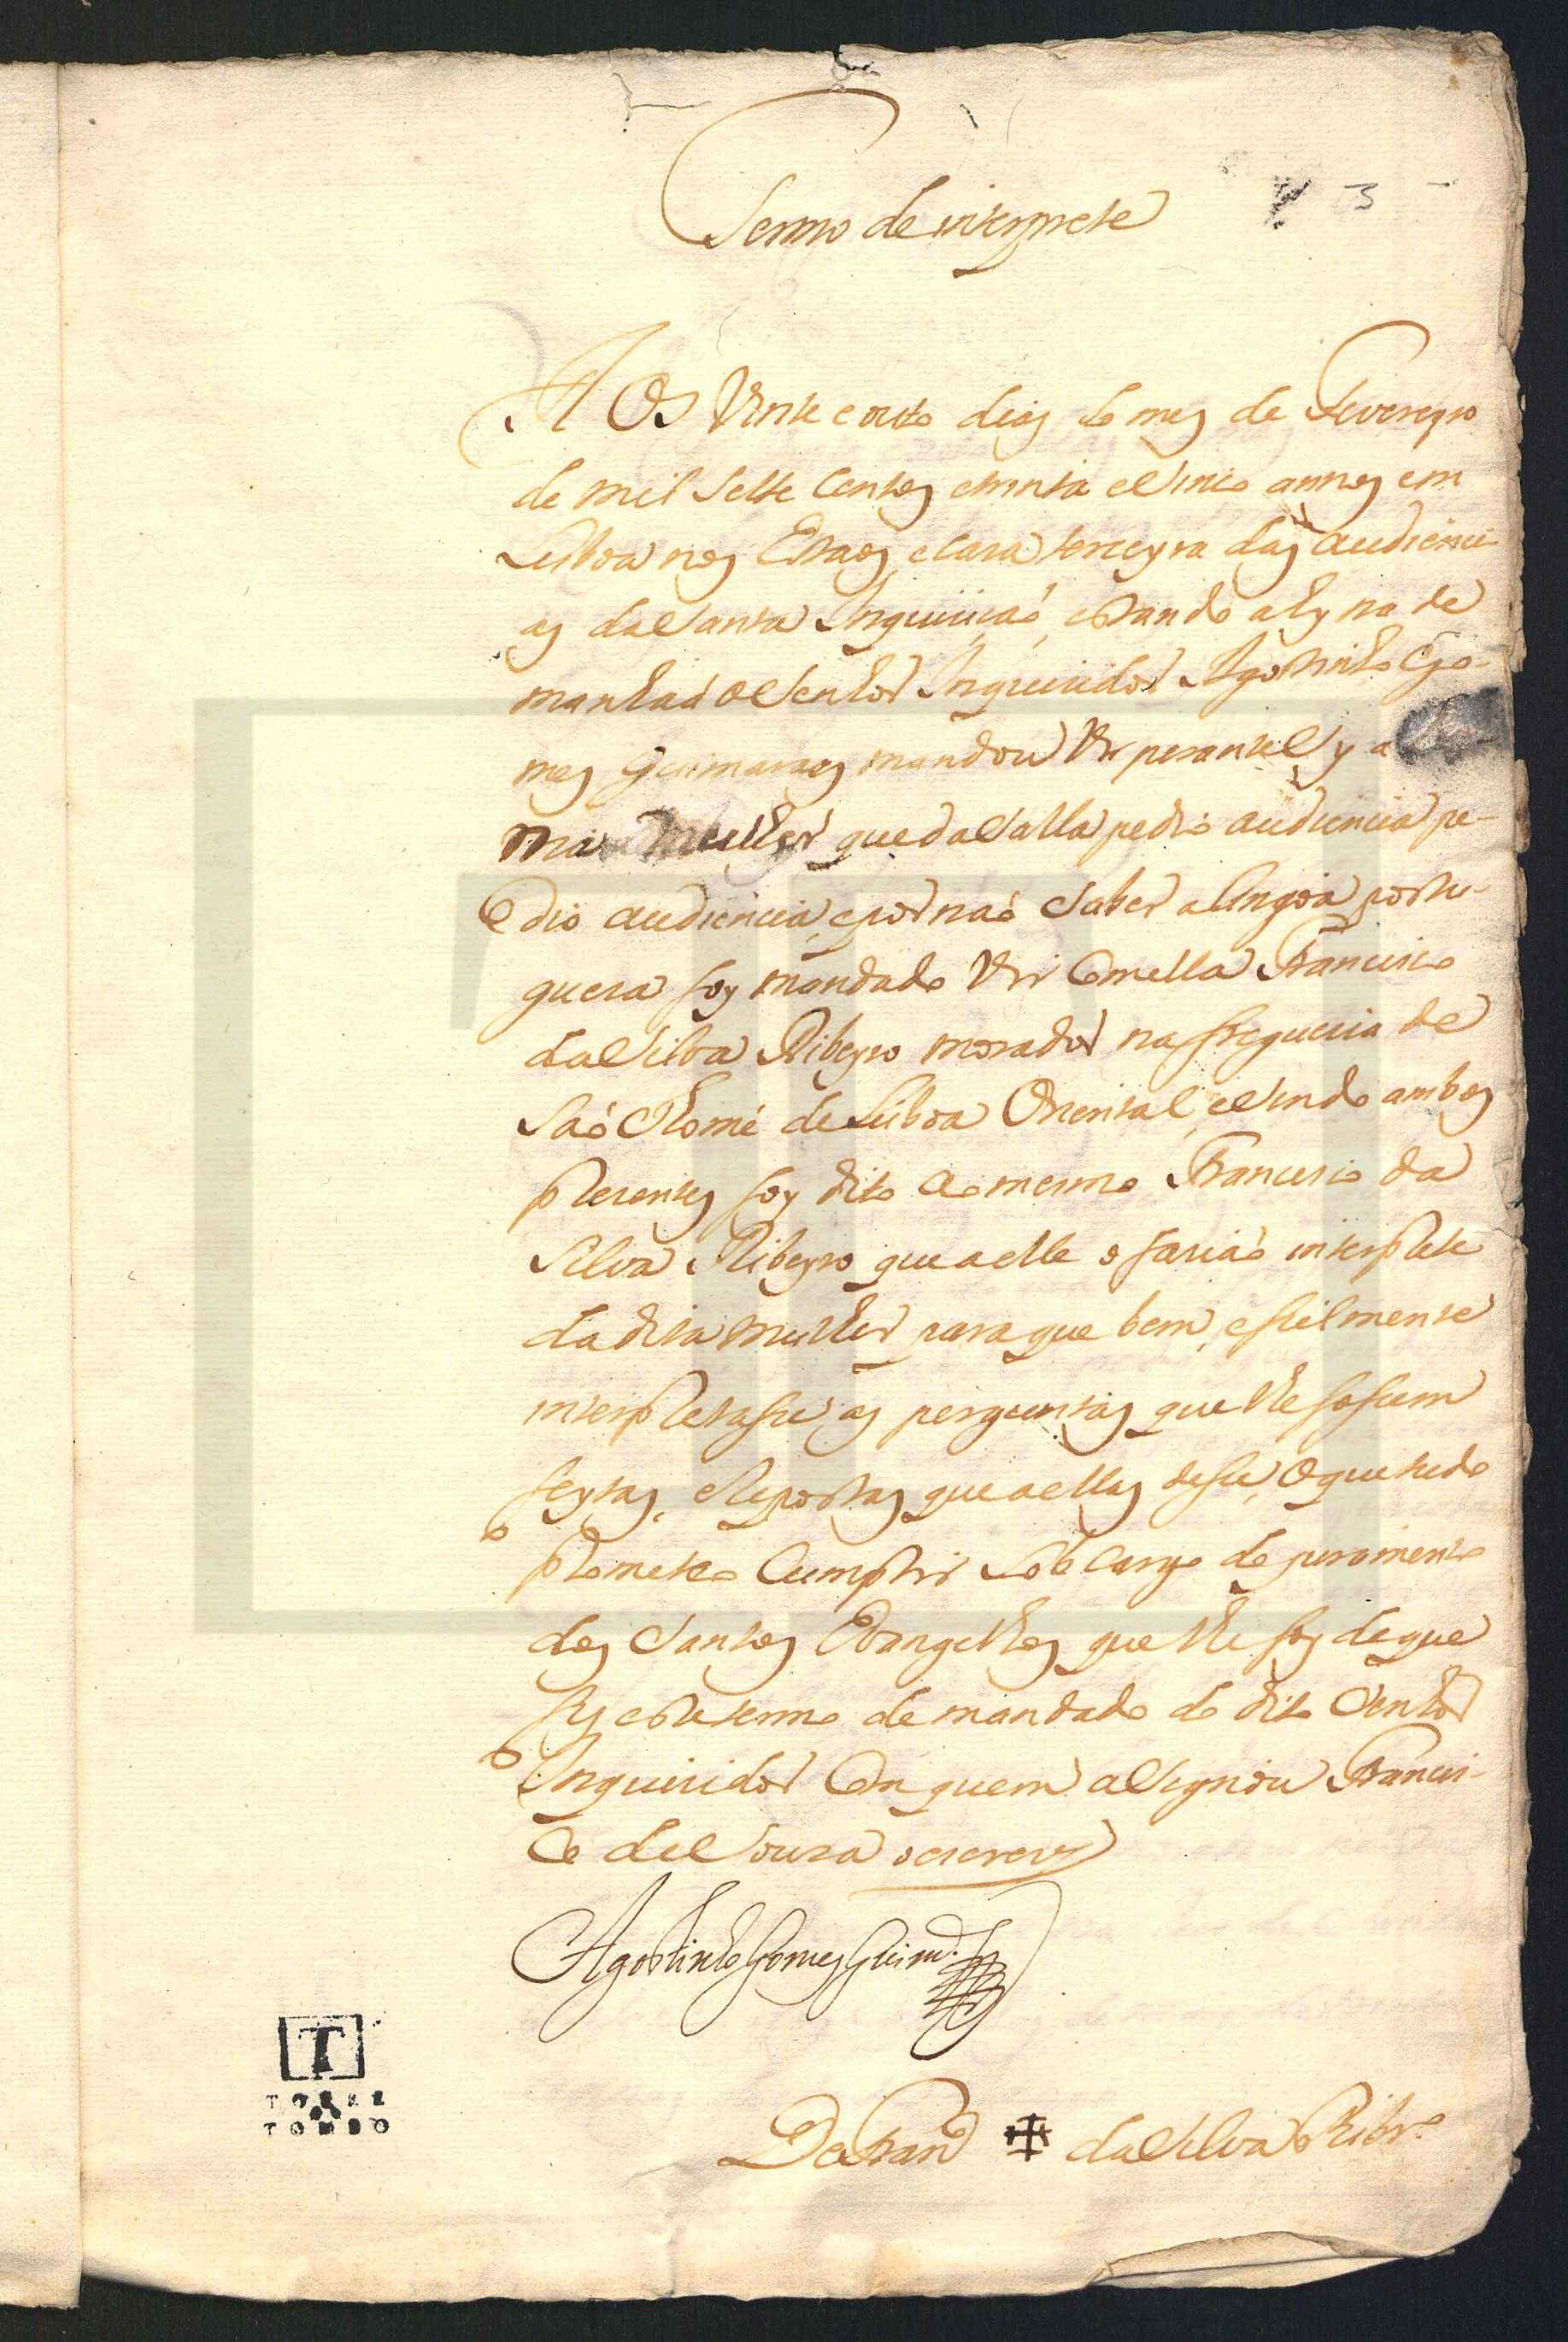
Termo de interprete
Aos Vinte e outo dias do mez de Feverejro
de mil settecentos e trinta e sinco annos em
Lisboa nos Estaos, e caza terceyra das audienci
as da Santa Inquiziçaõ, estando ahy no de
manhaã o Senhor Inquizidor Agostinho Go
mes Guimaraes mandou Vir perante sy a
ma mulher que da salla pedio audiencia pe
edio audiencia, e por nao saber a lingoa portu
gueza foy mandado vir Com ella Francisco
da Silva Ribeyro morador na freguezia de
Saõ Thomé de Lisboa Oriental, e sendo ambos
pRezentes foy dito ao mesmo Francisco da
Silva Ribeyro que a elle o faziaõ interpRete
da dita mulher para que bem, e fielmente
interpRetasse as perguntas que lhe fossem
feytas, e Repostas que a ellas desse, o que tudo
pRometeo CumpRir sob cargo de juramento
dos Santos Evangelhos que lhe foy de que
fis este termo de mandado do dito Senhor
Inquizidor Com quem asignou Francis
co de Souza o escrevj
Agostinho Gomes Guim.es
De Fran.co
da Silva Ribr.o
